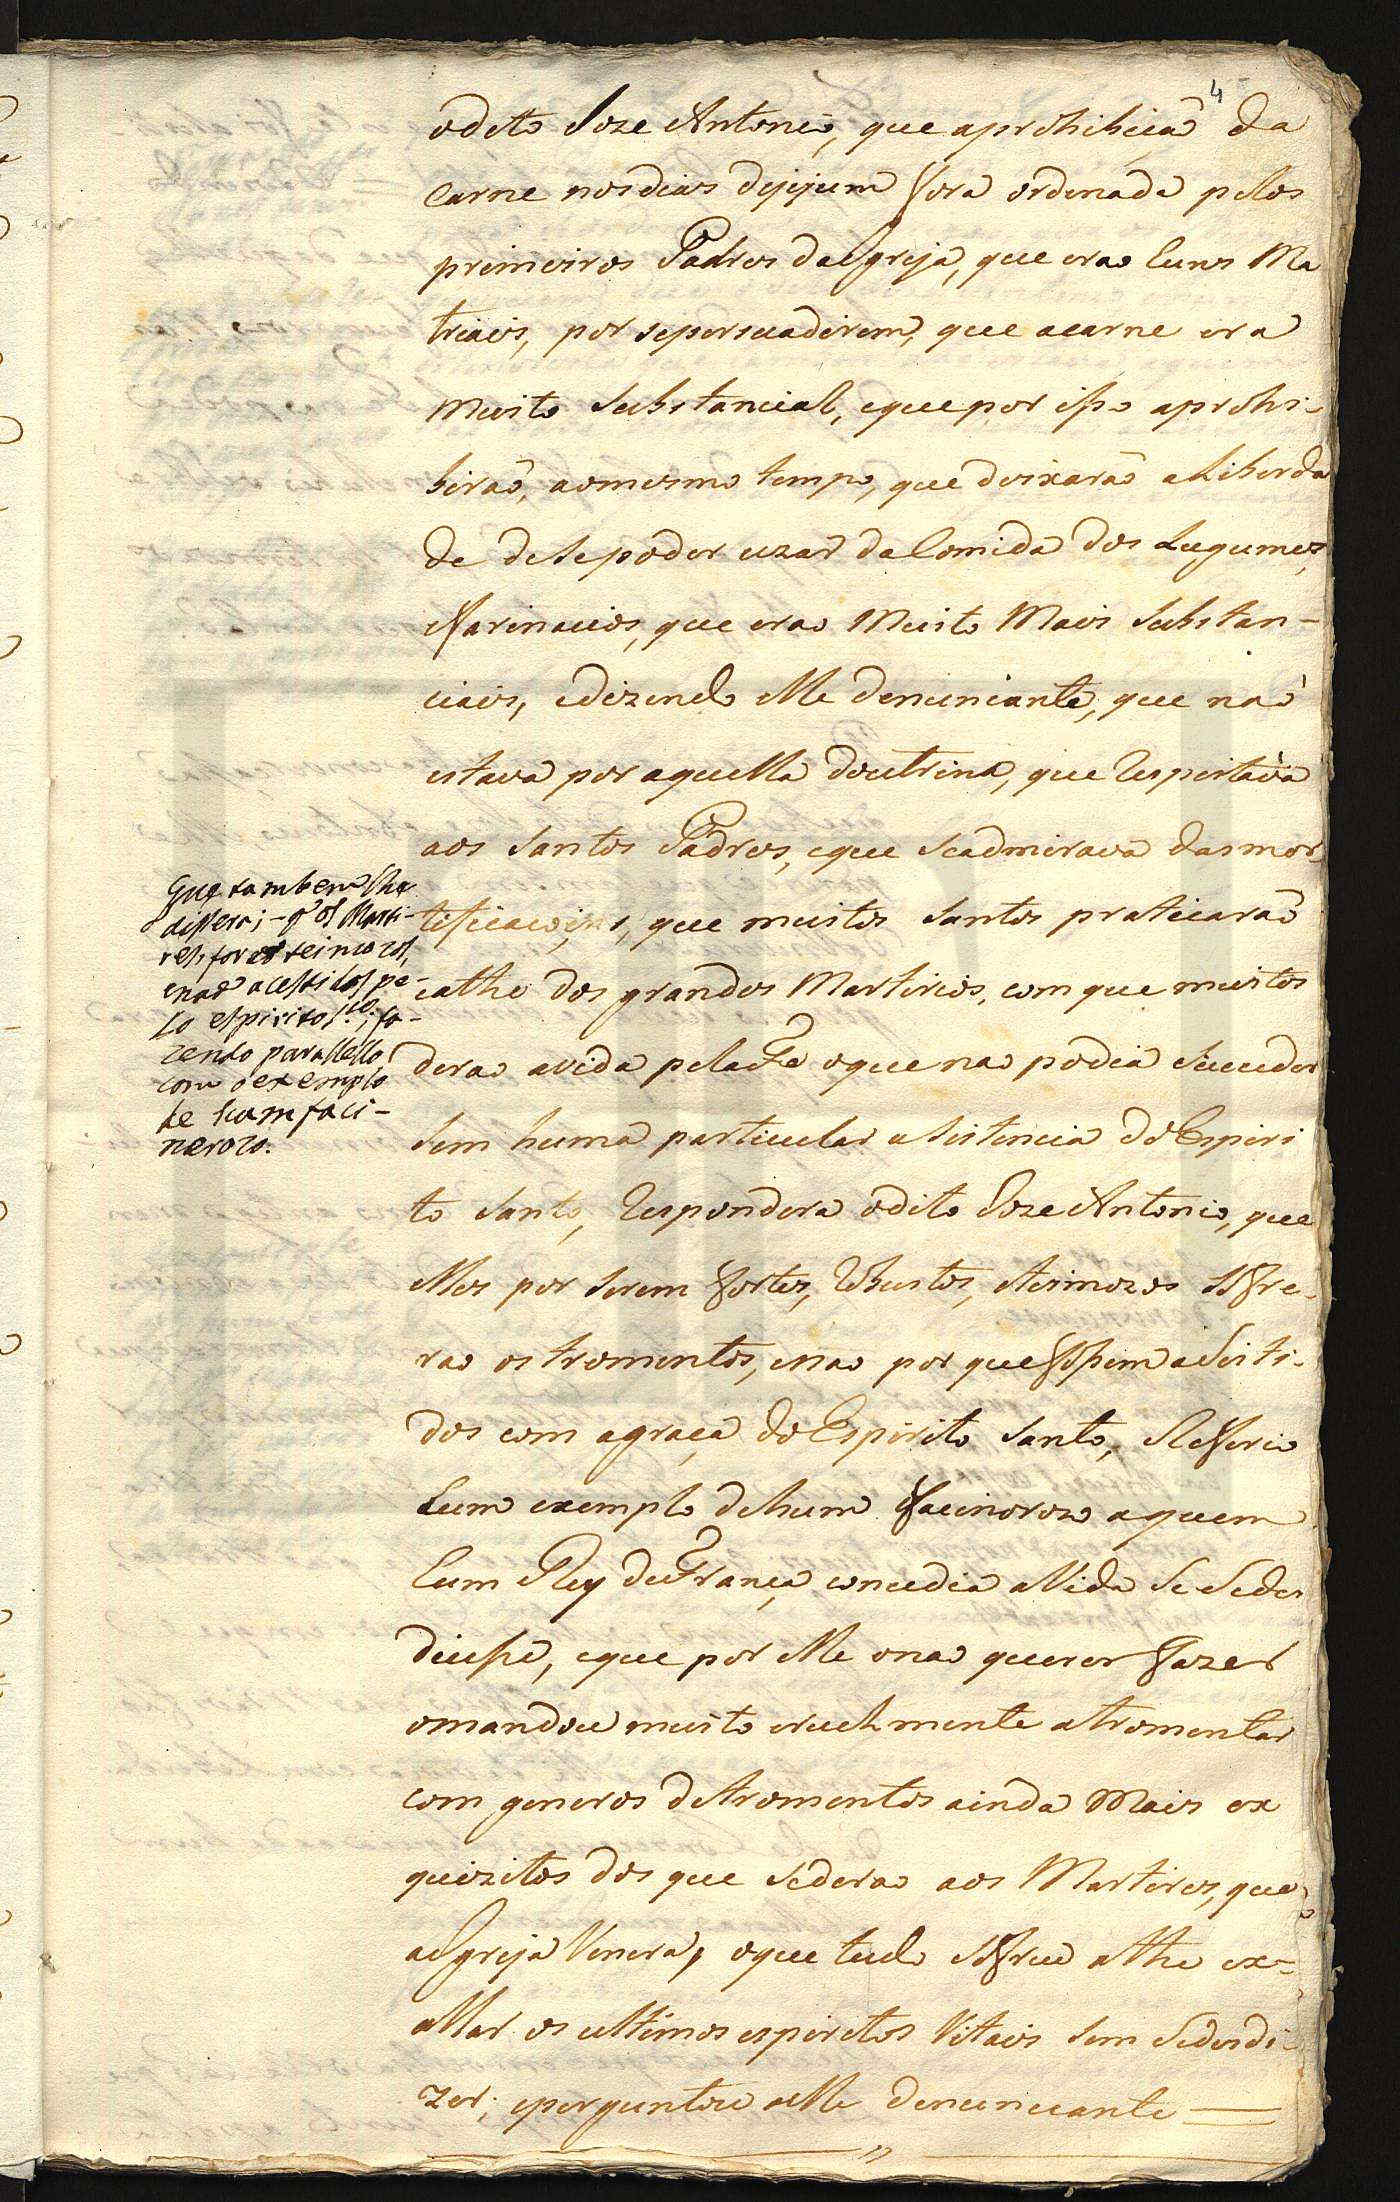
Que tambem lhe
dissera; q̄ os Marti
res, foraõ teimozos,
e naõ acestidos pe
Lo espirito s.to; fa
zendo parallello
com o exemplo
de hum faci
nerozo.
o dito Ioze Antonio, que a prohibiçaõ da
carne nos dias de jejum fora ordenada pelos
primeiros Padres da Igreja, que erao huns Ma
triaeis, por se persuadirem, que a carne era
muito substancial, e que por isso a prohi
biraõ, ao mesmo tempo, que deixaraõ e Liberda
de de sepoder uzar da Comida dos Legumes,
e farinacios, que erao Muito Mais substan
ciais, e dizendo elle denunciante, que naõ
estava por aquella doutrina, que Respeitava
aos Santos Padres, e que se admirava das mor
tificacoens, que muitos santos praticaraõ
e athe dos grandes Martirios, com que muitos
derao a vida pela Fe o que nao podia Succeder
sem huma particular asistencia do Espiri
to Santo, Respondera o dito Ioze Antonio, que
elles por serem fortes, Rebustos, e teimozos ssfre
rao os tromentos, e nao por que fossem assisti
dos com a graça do Espirito santo, e Referio
hum exemplo de hum facinorozo a quem
hum Rey de França concedia a Vida Se Sedes
dicesse, e que por elle o nao querer Fazer
o mandou muito e reaLmente atromentar
com generos de tromentos ainda mais ex
quizitos dos que se derao aos Martires, que
a Igreja Venera; o que tudo sofreu athe ex
allar os ultimos espiritos Vitais sem sedesdi
zer; e perguntou a elle denunciante
